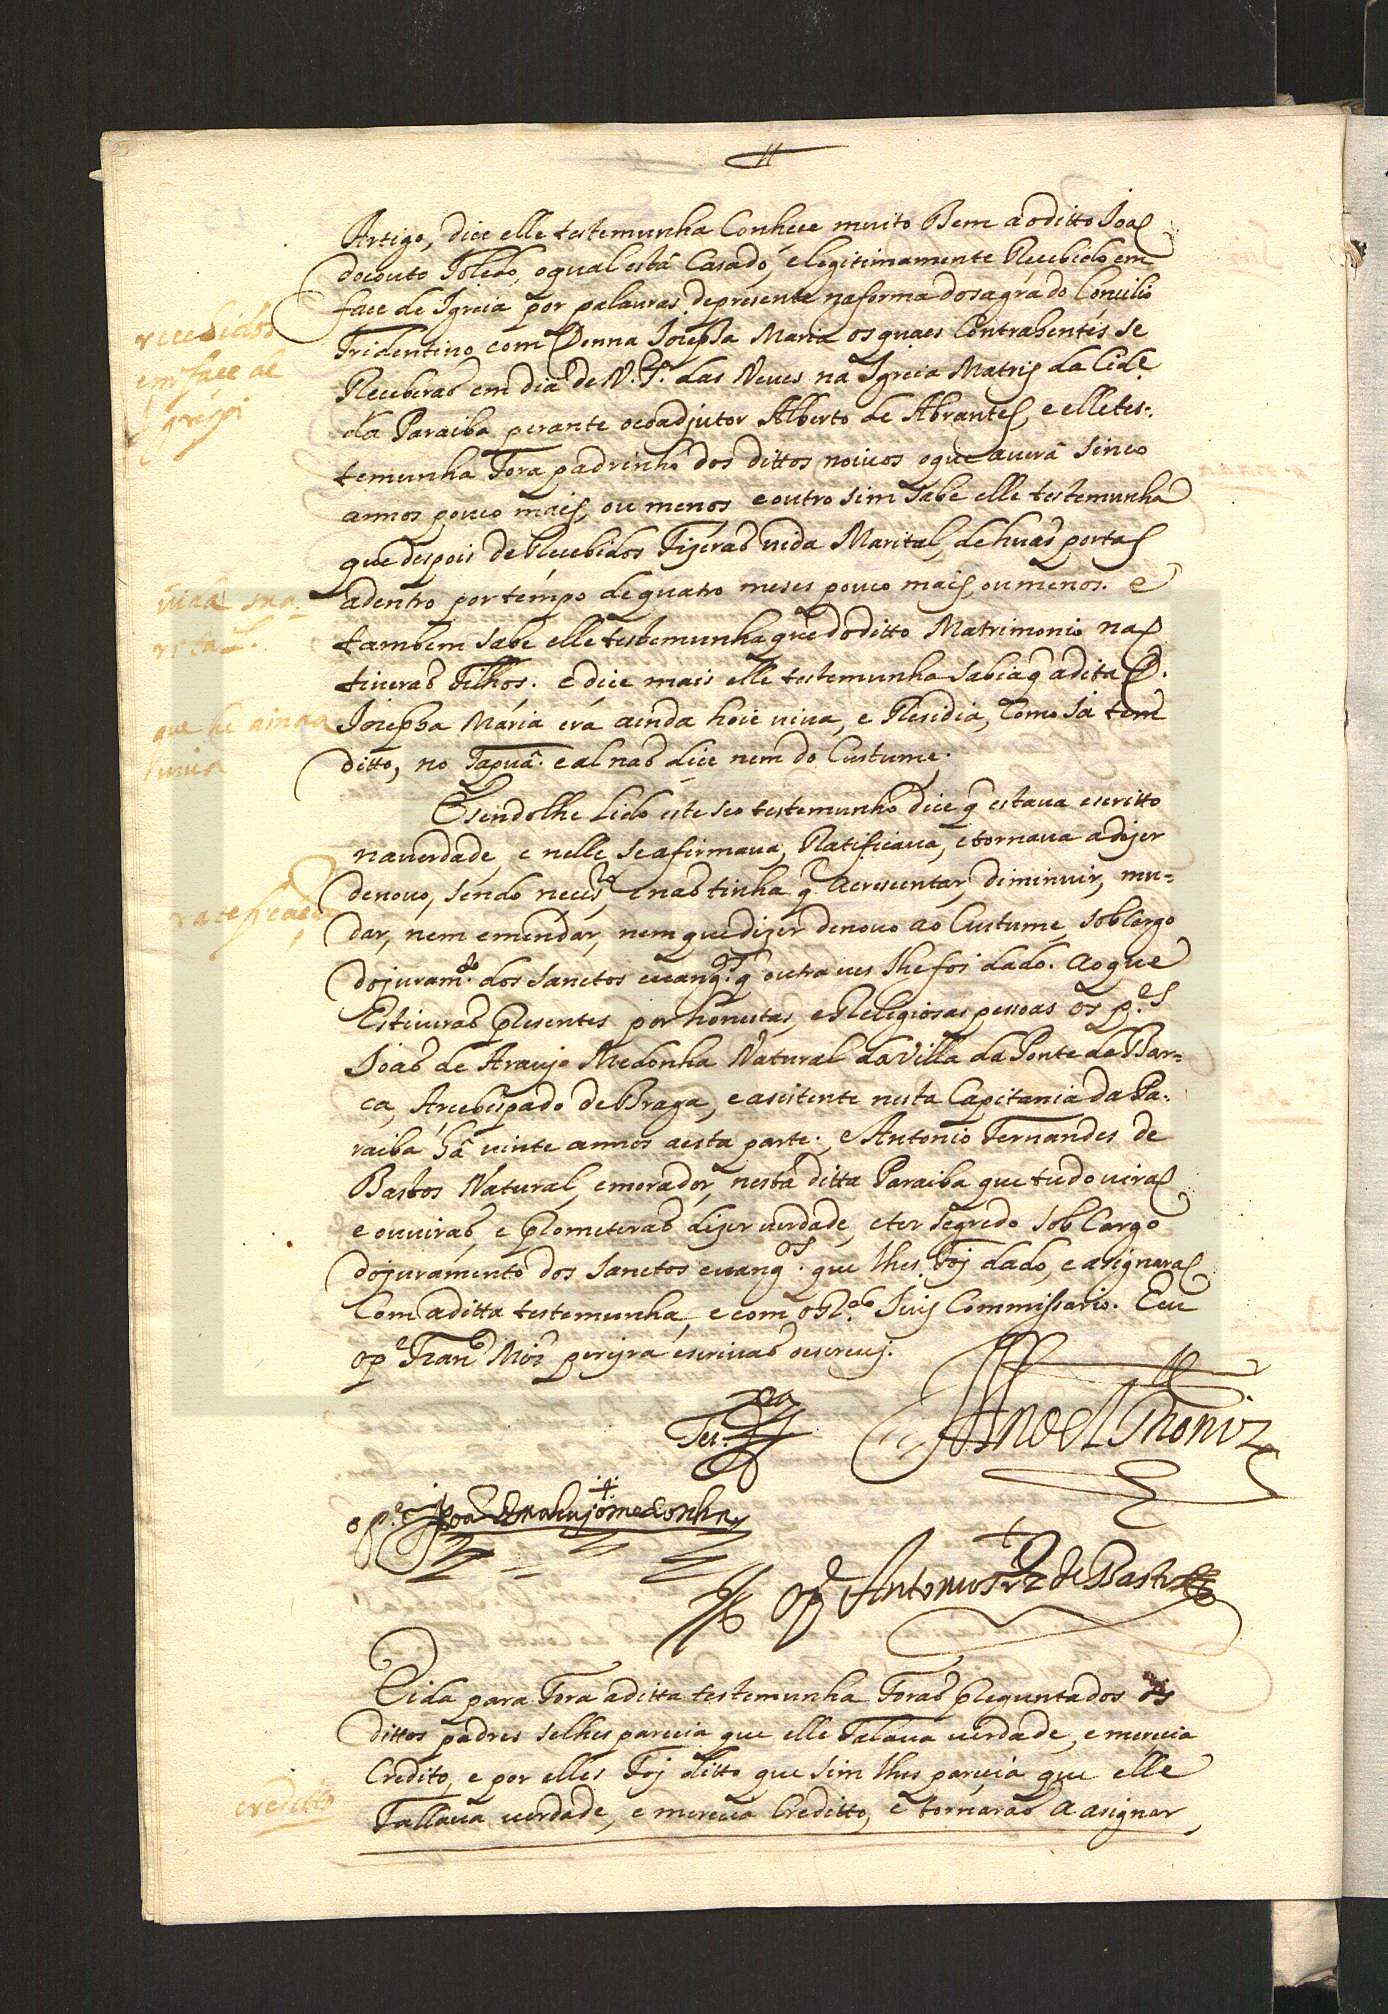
Artigo, dice elle testemunha Conhece muito Bem ao ditto Ioaõ
do couto Toledo, o qual está Casado, e legitimamente Recebido em
face de Igreia por palauras de presente na forma do sagrado Concilio
recebidos
Tridentino com Donna Iozepha Maria os quaes Contrahentes se
Receberaõ em dia de N. S.ra das Neues na Igreia Matris da Cid.e
em face de
da Paraiba perante o coadjutor Alberto de Abrantes, e elle tes
Igreja
temunha Fora padrinho dos dittos noiuos o que auerâ sinco
annos pouco mais, ou menos, e outrosim sabe elle testemunha
que despois de Recebidos Fizeraõ vida Marital, de huās portas
adentro por tempo de quatro meses pouco mais, ou menos. e
tambem sabe elle testemunha que do ditto Matrimonio naõ
tiueraõ Filhos; e dice mais elle testemunha sabia q̄ a dita D.
que he ainda
uiua
Iozepha Maria era ainda hoie uiua, e Residia, Como Ia tem
ditto, no Tapuâ. e al naõ dice nem do Custume.
E sendolhe Lido este seo testemunho dice q̄ estaua escritto
na uerdade, e nelle se afirmaua, Ratificaua, e tornaua a dizer
de nouo, sendo necesro, e naõ tinha q̄ acrescentar, diminuir, mu
rateficaçaõ
dar, nem emendar, nem que dizer de nouo ao Custume, sob cargo
do juram.to dos Sanctos euang.os q̄ outra ues lhe foi dado. ao que
Estiueraõ presentes por honestas, e Religiosas pessoas os p.es
Ioaõ de Araujo Medonha Natural da villa da Ponte de Bar
ca, Arcebispado de Braga, e asistente nesta Capitania da Pa
raiba hâ uinte annos a esta parte; e Antonio Fernandes de
Bastos Natural, e morador, nesta ditta Paraiba, que tudo uiraõ
e ouuiraõ, e prometeraõ dizer uerdade, e ter segredo sob Cargo
do juramento dos Sanctos euang.os que lhes Foj dado, e asignaraõ
Com a ditta testemunha, e com o R.do Iuis Commissario. E eu
o p.e Franco Miz̄ perejra escriuaõ o escreuj.
Tei.ra
Mnoel Moniz
o p.e Joaõ darahujo medonha
o pe Antonio Frz̄ de Bastos
E ida para Fora a ditta testemunha Foraõ preguntados os
dittos padres se lhes parecia que elle Falaua uerdade, e merecia
Credito, e por elles Foj ditto que sim lhes parecia que elle
Fallaua uerdade, e merecia Creditto, e tornaraõ a asignar
